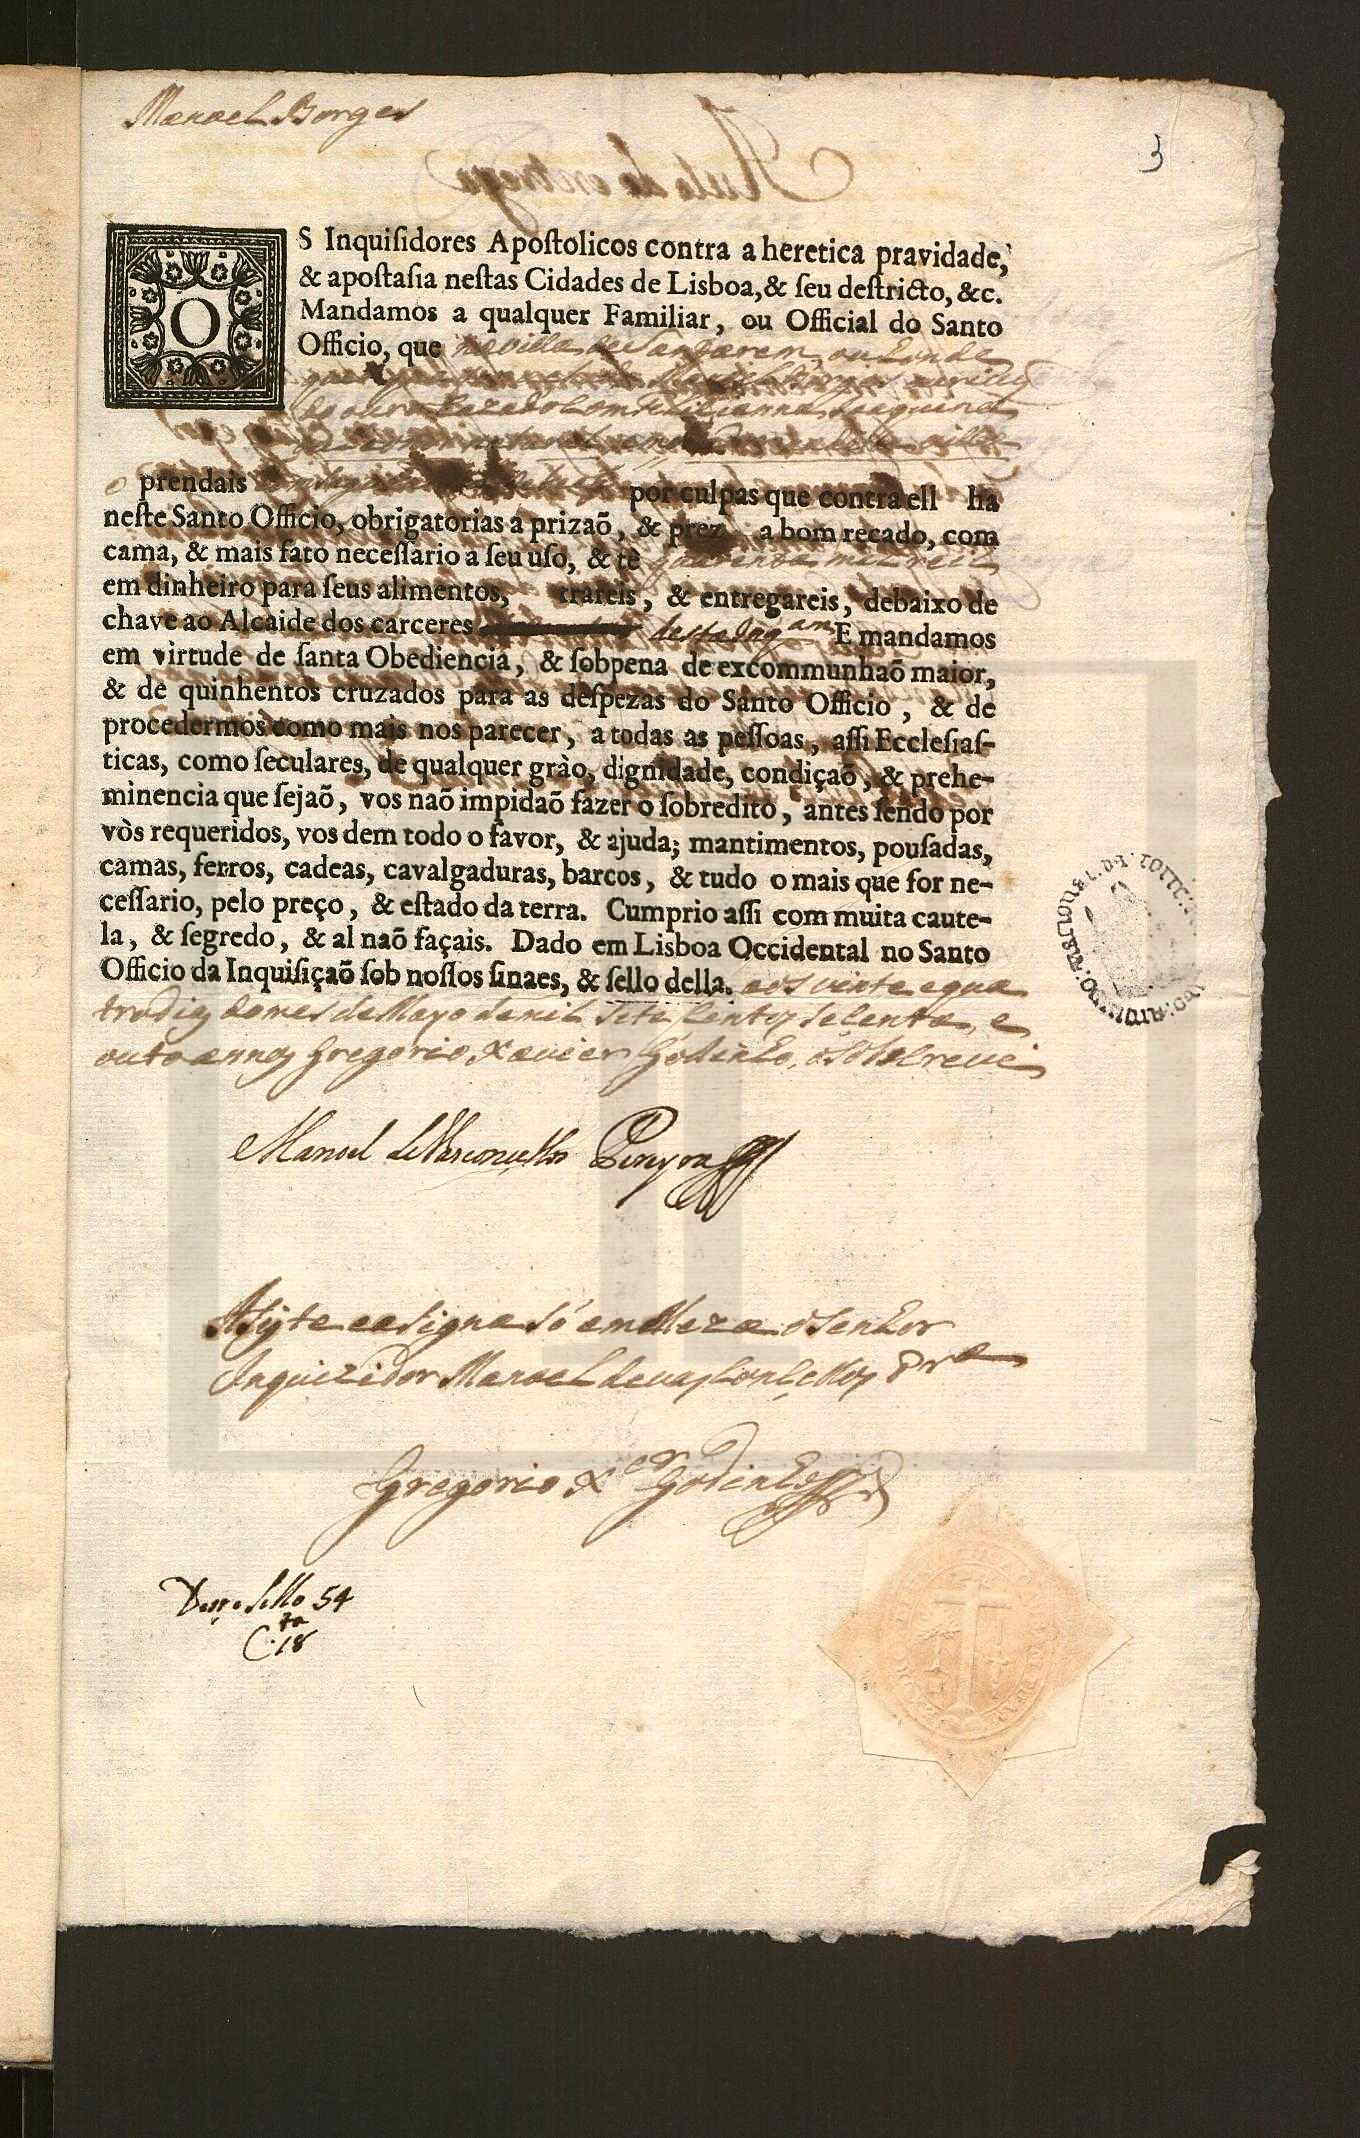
Manoel Borges
Os Inquisidores Apostolicos contra a heretica pravidade,
& apostasia nestas Cidades de Lisboa, & seu destricto, &c.
Mandamos a qualquer Familiar, ou Official do Santo
Officio, que na villa de Santarem, ou honde
quer que for achado Manuel Borges ouriues
do ouro cazado com Felicianna Ioaquina
natural e morador nesta villa
o prendais com seg___sete por culpas que contra ell ha
neste santo Officio, obrigatorias a prizaõ, & prez a bom recado, com
cama, & mais fato necessario a seu uso, & tè quarenta mil reis
em dinheiro para seus alimentos, trareis, & entregareis, debaixo de
chave ao Alcaide dos carceres
desta Inqam E mandamos
em virtude de santa Obediencia, & sob pena de excommunhaõ maior,
& de quinhentos cruzados para as despezas do Santo Officio, & de
procedermos como mais nos parecer, a todas as pessoas, assi Ecclesias
ticas, como seculares, de qualquer grào, dignidade, condiçaõ, & prehe
minencia que sejaõ, vos naõ impidaõ fazer o sobredito, antes sendo por
vòs requeridos, vos dem todo o favor, & ajuda; mantimentos, pousadas
camas, ferros, cadeas, cavalgaduras, barcos, & tudo o mais que for ne
cessario, pelo preço, & estado da terra. Cumprio assi com muita caute
la, & segredo, & al naõ façais. Dado em Lisboa Occidental no Santo
Officio da Inquisiçaõ sob nossos sinaes, & sello della. aos vinte e qua
tro dias do mes de Mayo de mil seteCentos secenta, e
outo annos Gregorio xauier Godinho, o sobscreui
Manoel de Vasconçellos Pereyra
Asiste e asigna só em Meza o senhor
Inquizidor Manoel de uasConcellos Pra
Gregorio Xer Godinho
Deste sello 54
C.ta 18
